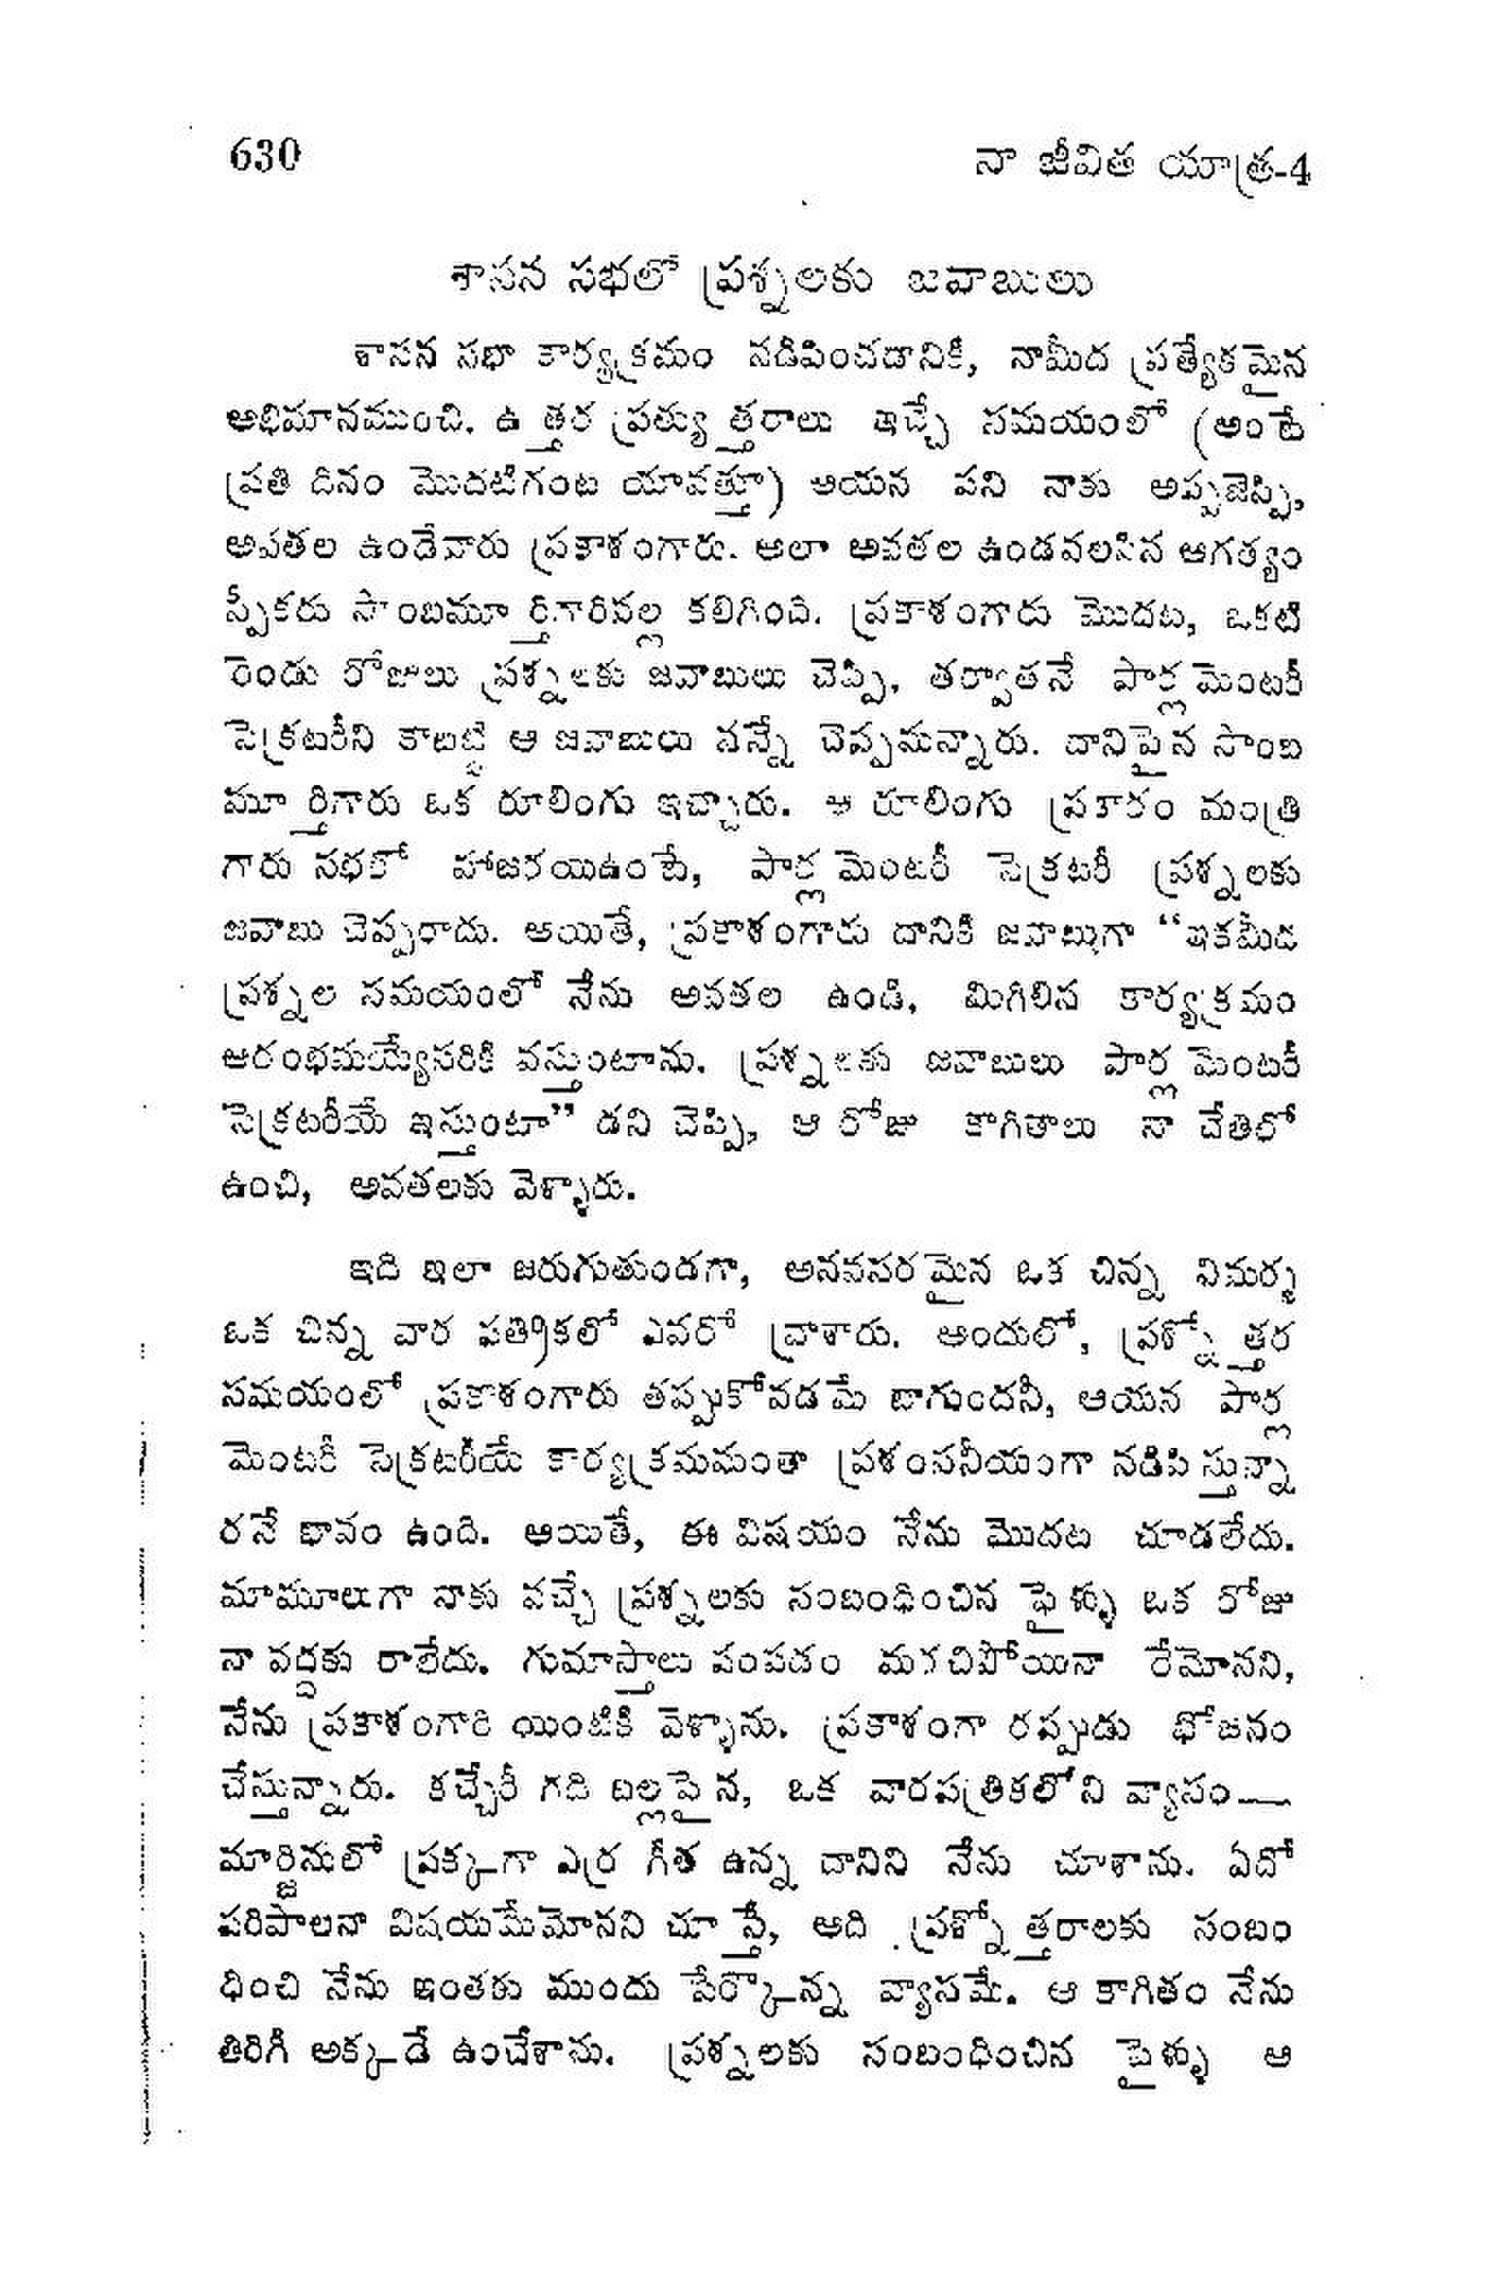శాసన సభా కార్యక్రమం నడిపించడానికి, నామీద ప్రత్యేకమైన అభిమానముంచి, ఉత్తర ప్రత్యుత్తరాలు ఇచ్చే సమయంలో (అంటే ప్రతి దినం మొదటిగంట యావత్తూ) ఆయన పని నాకు అప్పజెప్పి, అవతల ఉండేవారు ప్రకాశంగారు. అలా అవతల ఉండవలసిన అగత్యం స్పీకరు సాంబమూర్తిగారివల్ల కలిగింది. ప్రకాశంగారు మొదట, ఒకటి రెండు రోజులు ప్రశ్నలకు జవాబులు చెప్పి, తర్వాతనే పార్లమెంటరీ సెక్రటరీని కాబట్టి ఆ జవాబులు నన్నే చెప్పమ న్నారు. దానిపైన సాంబమూర్తిగారు ఒక రూలింగు ఇచ్చారు. ఆ రూలింగు ప్రకారం మంత్రి గారు సభలో హాజరయిఉంటే, పార్ల మెంటరీ సెక్రటరీ ప్రశ్నలకు జవాబు చెప్పరాదు. అయితే, ప్రకాశంగారు దానికి జవాబుగా "ఇకమీద ప్రశ్నల సమయంలో నేను అవతల ఉండి, మిగిలిన కార్యక్రమం ఆరంభమయ్యేసరికి వస్తుంటాను. ప్రశ్నలకు జవాబులు పార్ల మెంటరీ సెక్రటరీయే ఇస్తుంటా" డని చెప్పి, ఆరోజు కాగితాలు నా చేతిలో ఉంచి, అవతలకు వెళ్ళారు.

ఇది ఇలా జరుగుతుండగా, అనవసరమైన ఒక చిన్న విమర్శ ఒక చిన్న వార పత్రికలో ఎవరో వ్రాశారు. అందులో, ప్రశ్నోత్తర సమయంలో ప్రకాశంగారు తప్పుకోవడమే బాగుందనీ, ఆయన పార్ల మెంటరీ సెక్రటరీయే కార్యక్రమమంతా ప్రశంసనీయంగా నడిపిస్తున్నారనే భావం ఉండి. అయితే, ఈ విషయం నేను మొదట చూడలేదు. మామూలుగా నాకు వచ్చే ప్రశ్నలకు సంబంధించిన ఫైళ్ళు ఒక రోజు నా వద్దకు రాలేదు. గుమాస్తాలు పంపడం మరచిపోయినా రేమోనని, నేను ప్రకాశంగారి యింటికి వెళ్ళాను. ప్రకాశంగా రప్పుడు భోజనం చేస్తున్నారు. కచ్చేరి గది బల్లపైన, ఒక వారపత్రికలోని వ్యాసం - మార్జినులో ప్రక్కగా ఎర్ర గీత ఉన్న దానిని నేను చూశాను. ఏదో పరిపాలనా విషయమేమోనని చూస్తే, అది ప్రశ్నోత్తరాలకు సంబంధించి నేను ఇంతకు ముందు పేర్కొన్న వ్యాసమే. ఆ కాగితం నేను తిరిగి అక్కడే ఉంచేశాను. ప్రశ్నలకు సంబంధించిన ఫైళ్ళు ఆ